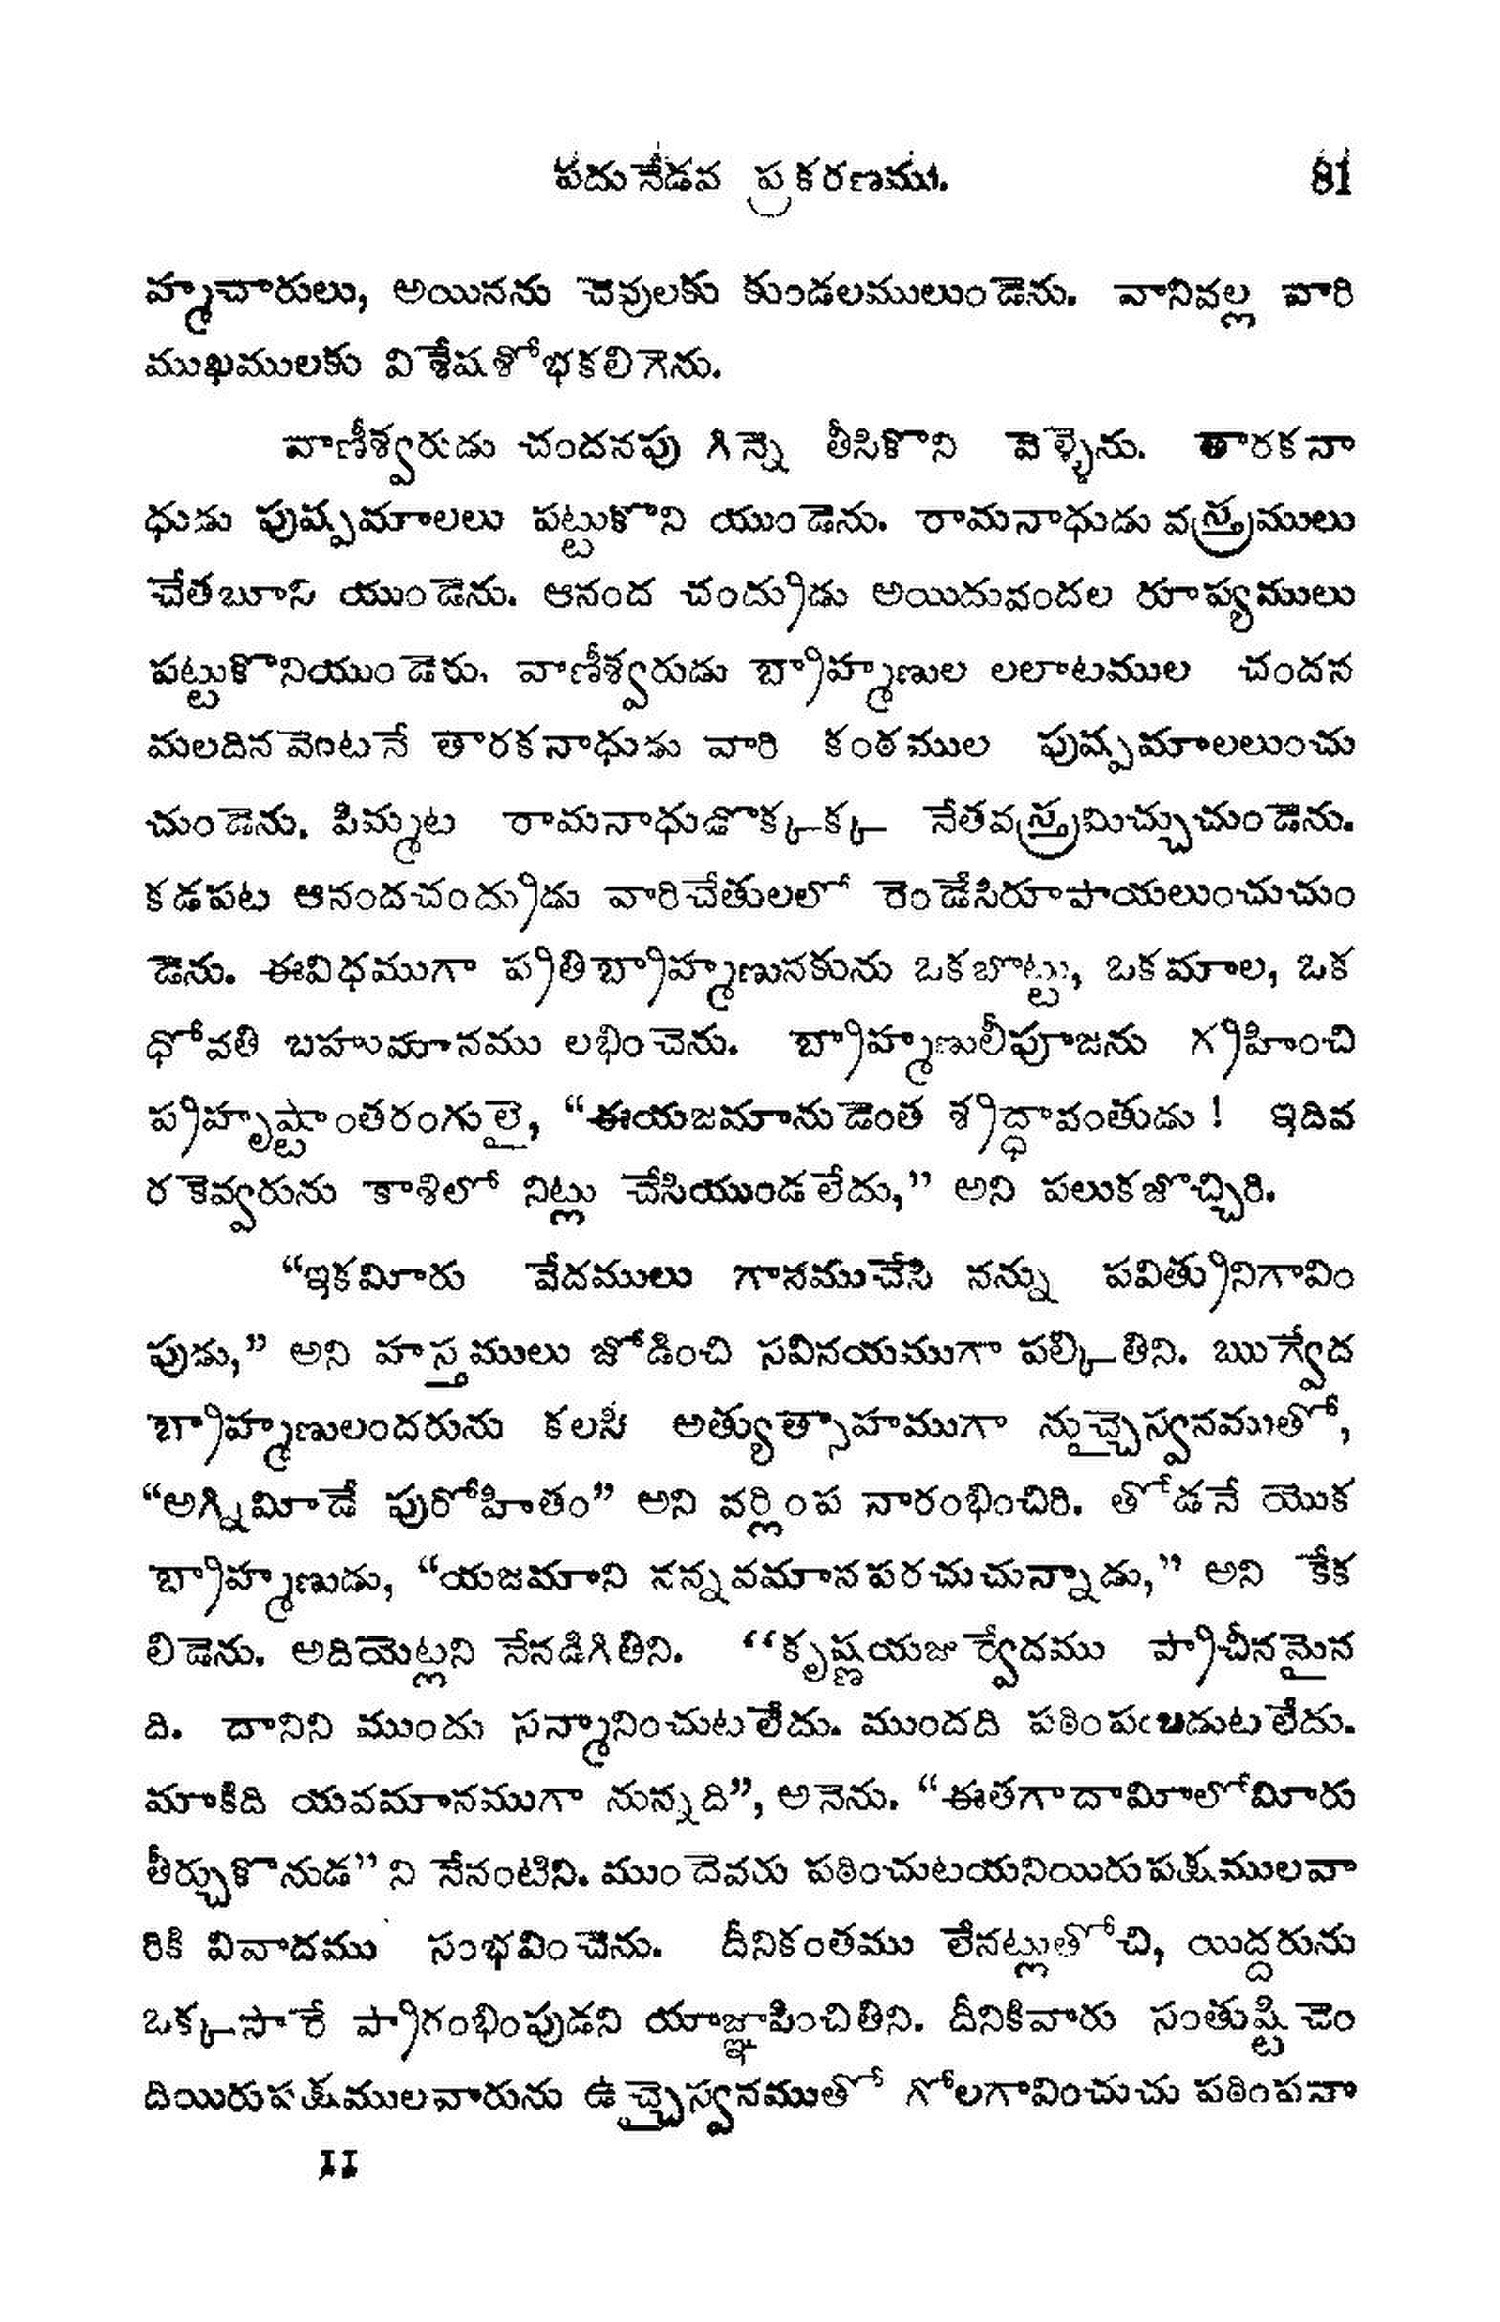హ్మచారులు, అయినను "చెవులకు కుండలములుండెను. వానివల్ల వారి
ముఖములకు విశేష శోభకలిగెను.

వాణీశ్వరుడు చందనపు గిన్నె తీసికొని వెళ్ళెను. తారకనాధుడు 
పుష్పమాలలు పట్టుకొని యుండెను. రామనాధుడు వస్త్రములు
చేతబూని యుండెను. ఆనంద చంద్రుడు అయిదువందల రూప్యములు
పట్టుకొనియుండెను. వాణీశ్వరుడు బ్రాహ్మణుల లలాటముల చందనమలదిన 
వేంటనే తారక నాధుడు వారి కంఠముల పుష్పమాల లుంచు చుండెను.
పిమ్మట రామనాధుడొక్కక్క నేతవస్త్ర మిచ్చుచుండెను.కడపట 
ఆనందచంద్రుడు వారి చేతులలో రెండేసి రూపాయ లుంచుచుండెను. 
ఈ విధముగా ప్రతి బాహ్మణునకును ఒక బొట్టు, ఒక మాల,
ఒక ధోవతి బహుమానము లభించెను. బాహ్మణులీ పూజను గ్రహించి
పరిహృష్టాంతరంగులై, “ఈయజమాను డెంత శ్రద్ధావంతుడు ! ఇదివ
రాకెవ్వరును కాశిలో నిట్లు చేసియుండ లేదు,” అని పలుక జొచ్చిరి.

“ఇకమీరు వేదములు గానముచేసి నన్ను పవిత్రునిగావింపుడు,” 
అని హస్తములు జోడించి సవినయముగా పల్కితిని. ఋగ్వేద
బ్రాహ్మణులందరును కలసే అత్యుత్సాహముగా నుచ్చైస్వనములో,
“అగ్నిమీడే పురోహితం” అని వర్ణింప నారంభించిరి. తోడనే యొక
బాహ్మణుడు, “యజమాని నన్న నమాన పరచుచున్నాడు. " అని కేక
లిడెను, అది యెట్లని నేనడిగితిని. “కృష్ణయజుర్వేదము ప్రాచీనమైనది. 
దానిని ముందు సన్మానించుట లేదు. ముందది పఠింపఁబడుట లేదు.
మాకిది యవమానముగా నున్నది”, అనెను. “ఈతగాదా మీలో మీరు
తీర్చుకొనుడ” ని సేనంటిని. ముందెవరు పఠించుటయనియిరు 
పక్షములవారికి వివాదము సంభవించెను. దీనికంతము లేనట్లు 
తోచి, యిద్దరును ఒక్కసారే ప్రారంభింపుడని యాజ్ఞాపించితిని. దీనికి 
వారు సంతుష్టి చెందియిరుపక్షములవారును ఉచ్చైస్వనముతో 
గోలగావించుచు పఠింపనా
II